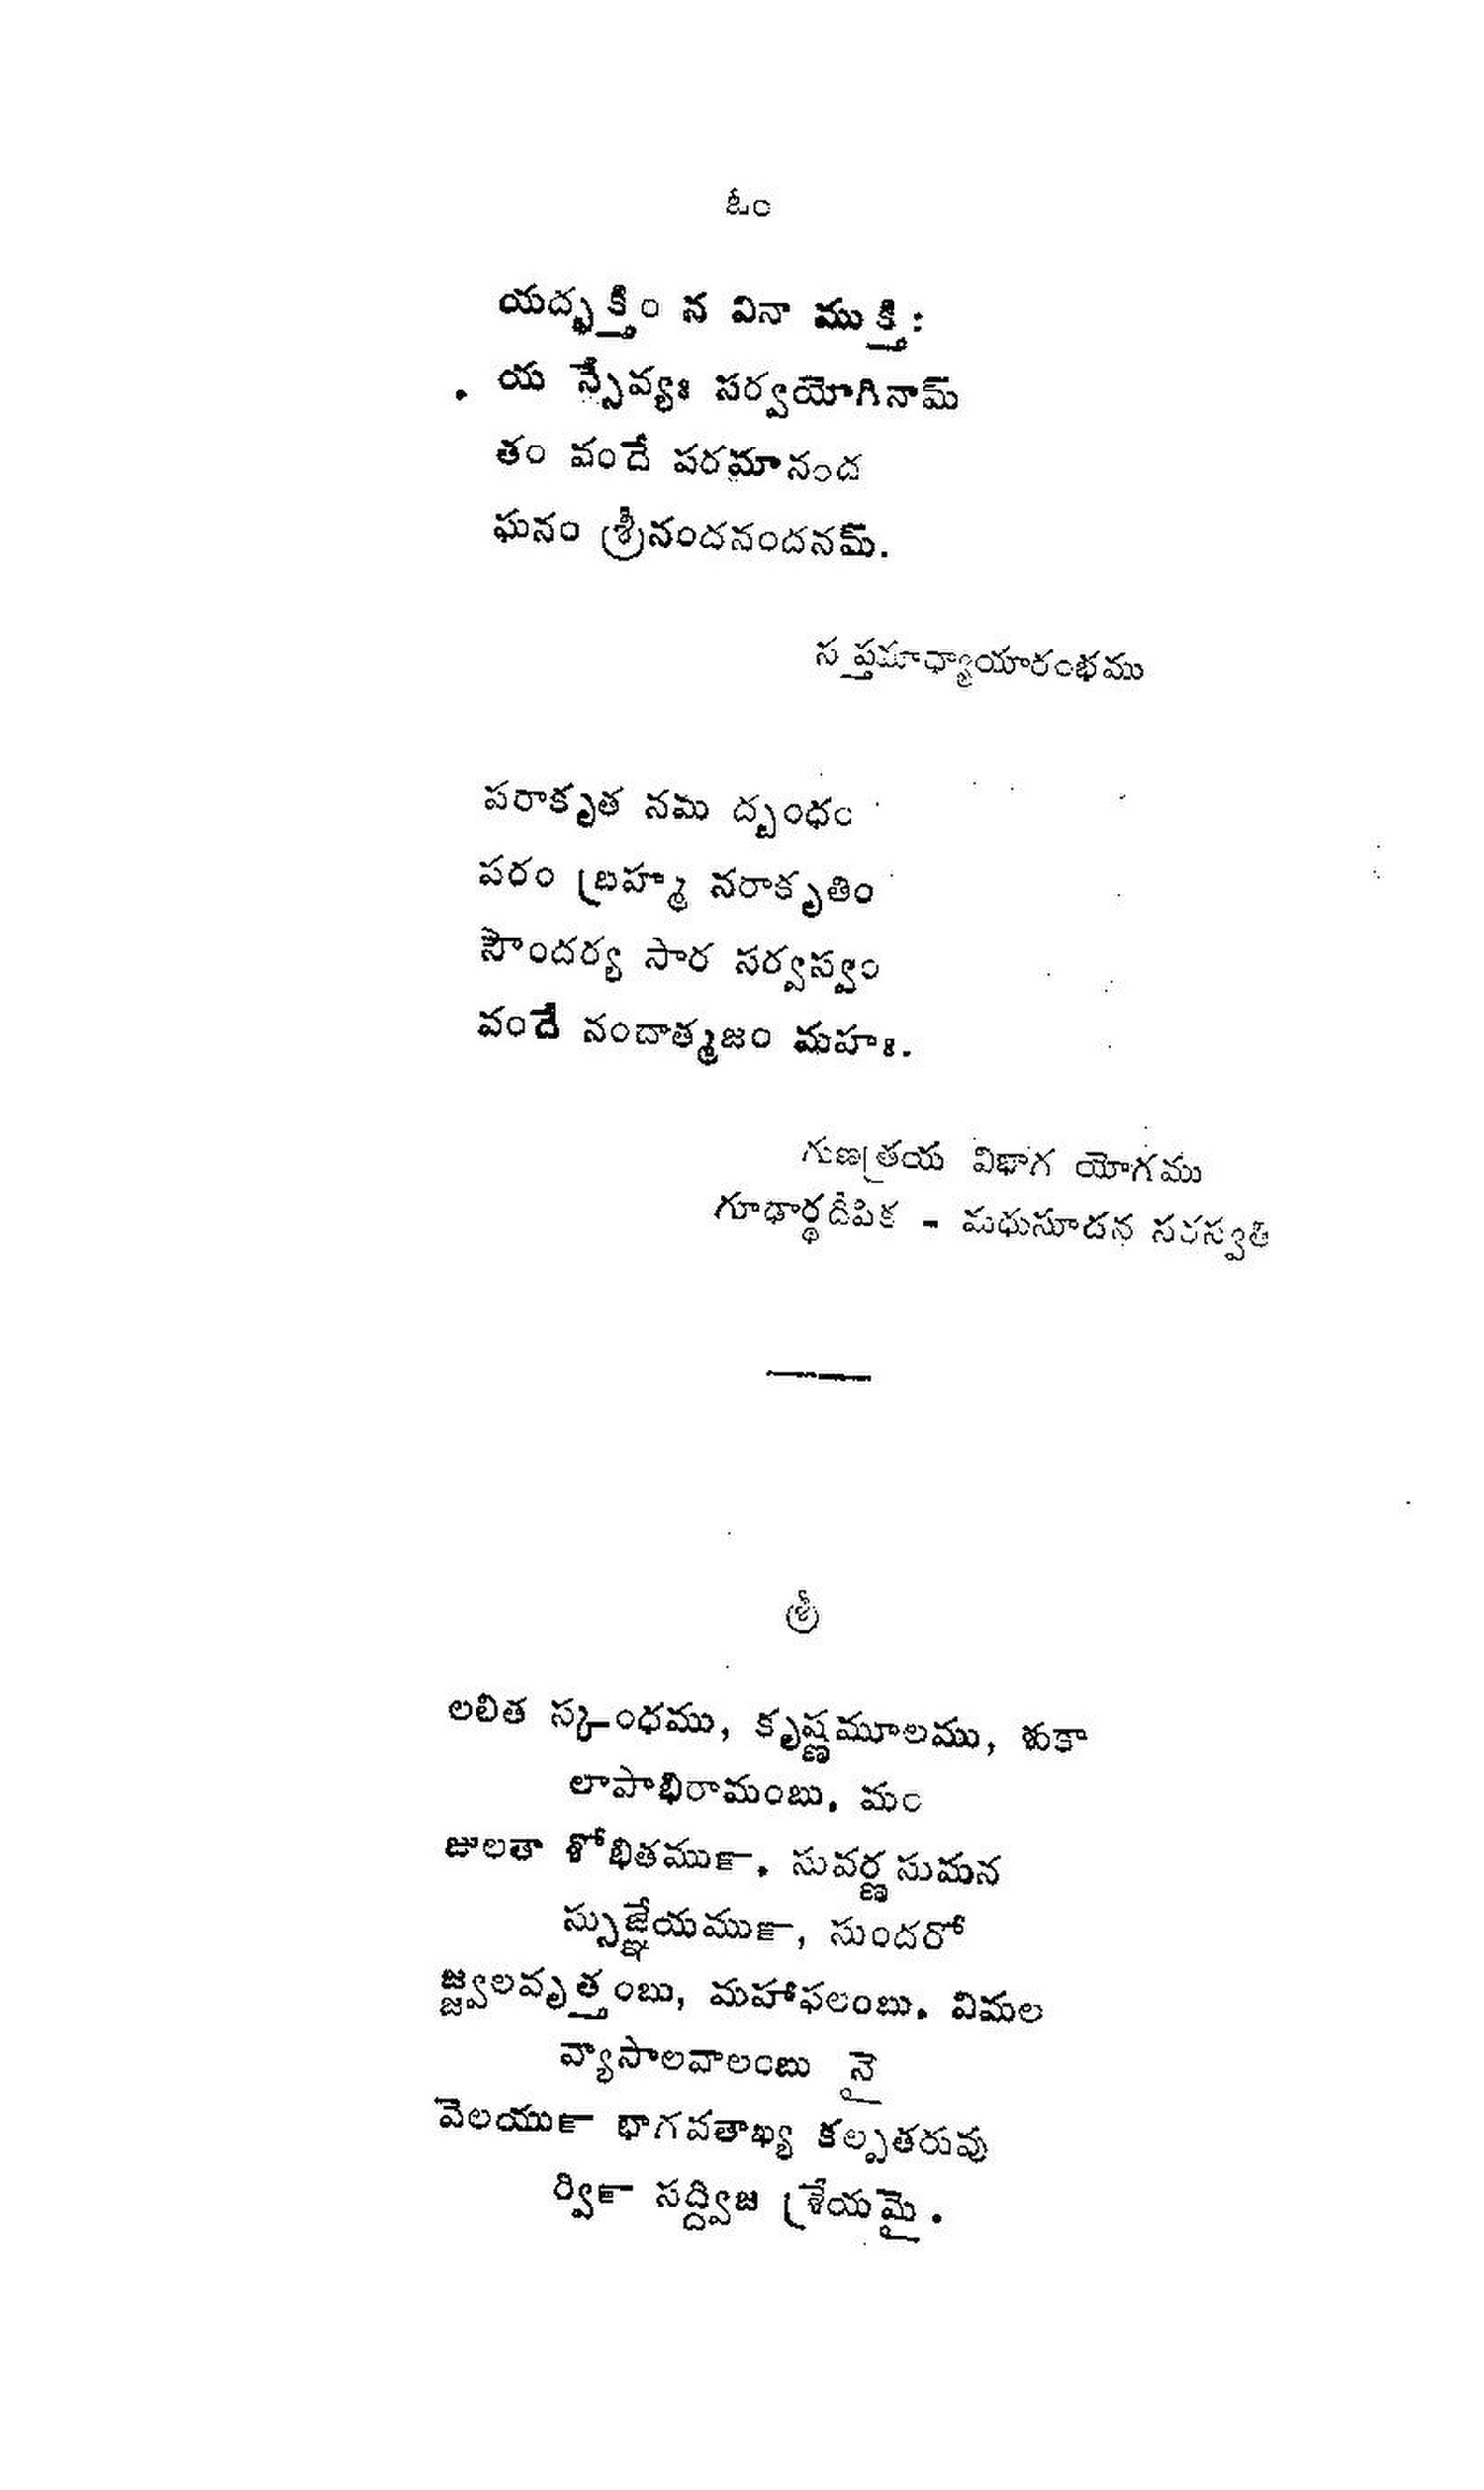3

ఓం

యద్భక్తిం న వినా ముక్తిః

య స్సేవ్యః సర్వయోగినామ్

తం వందే పరమానంద

ఘనం శ్రీనందనందనమ్.

 సప్తమాధ్యాయారంభము

పరాకృత నమ ద్బంధం

పరం బ్రహ్మ నరాకృతిం

సౌందర్య సార సర్వస్వం

వందే నందాత్మజం మహః.

 గుణత్రయ విభాగ యోగము

 గూఢార్థదీపిక - మధుసూదన సరస్వతి

 శ్రీ

లలితా స్కంధము, కృష్ణమూలము, శుకా

లాపాభిరామంబు, మం

జులతా శోభితమున్, సువర్ణ సుమన

స్సుజ్నేయమున్, సుందరో

జ్జ్వలవృత్తంబు, మహాఫలంబు, విమల

వ్యాసాలవాలంబు నై

వెలయున్ భాగవతాఖ్య కల్పతరువు

ర్విన్ సద్ద్విజ శ్రేయమై.